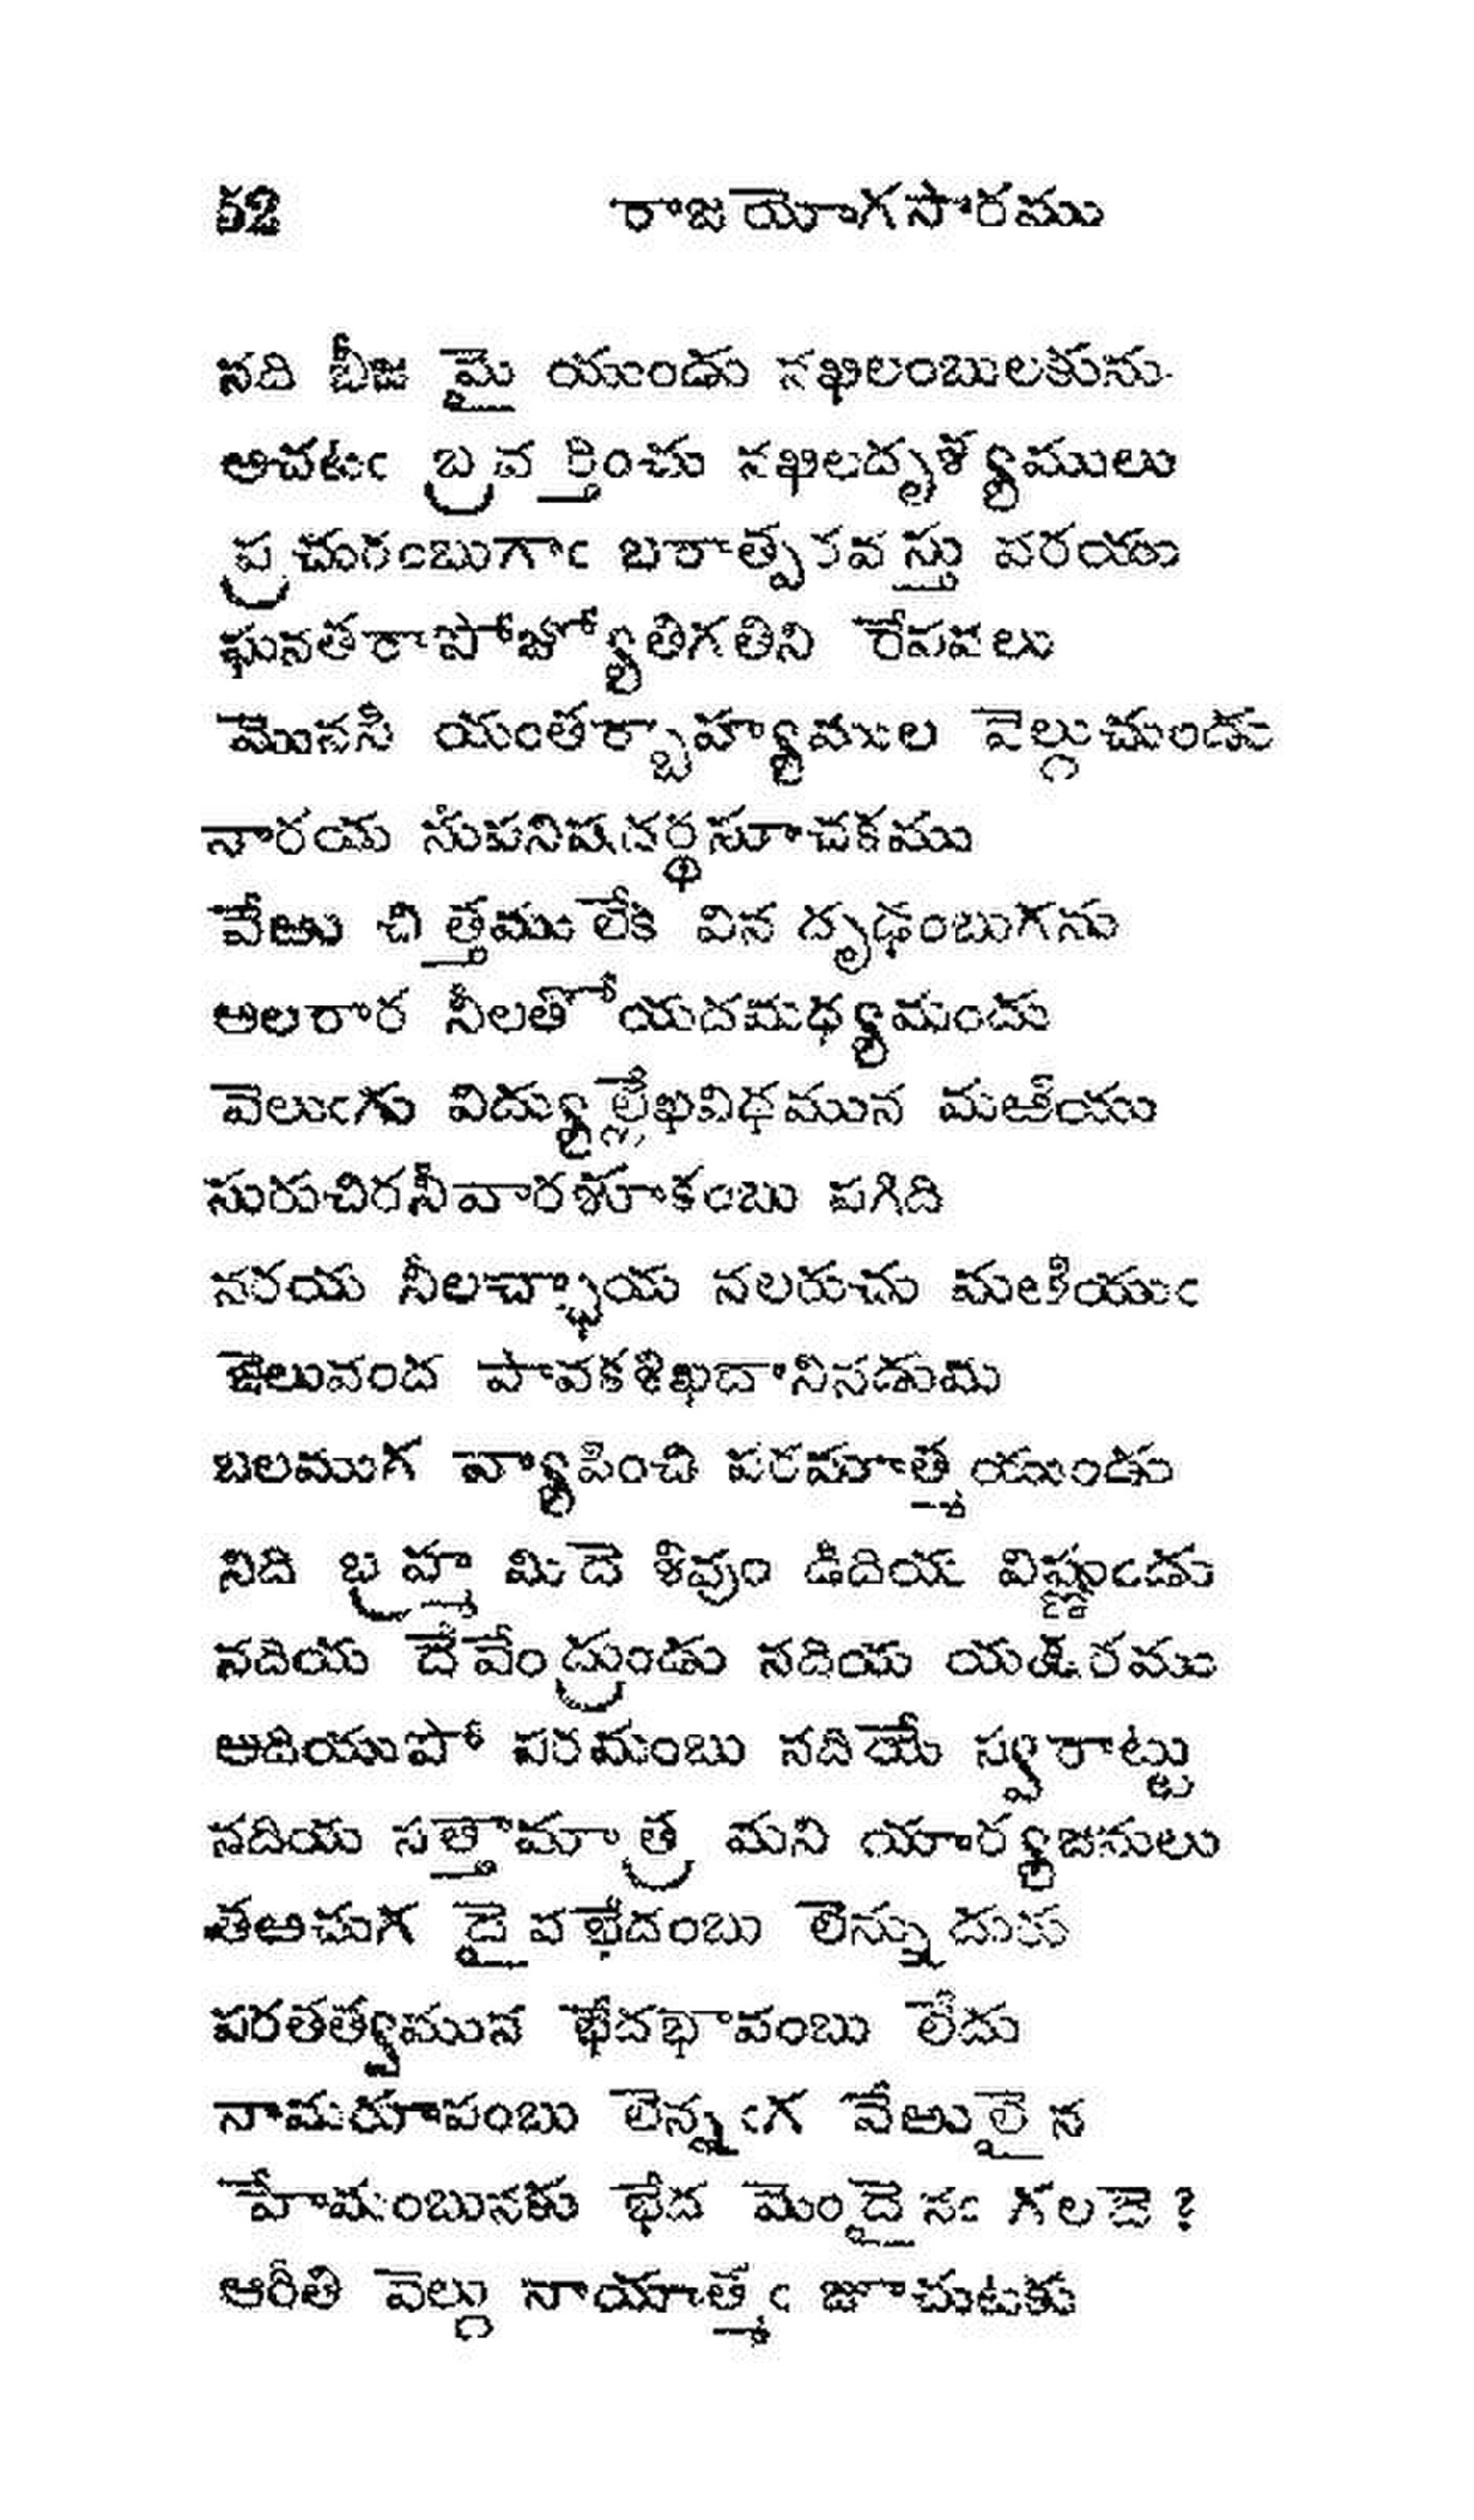నది బీజమై యుండు నఖిలంబులకును
అచటఁ బ్రవర్తించు నఖిలదృశ్యములు
ప్రచురంబుగాఁ బరాత్పరవస్తు వరయు
ఘనతరాపోజ్యోతిగతిని రేపవలు
మొనసి యంతర్బాహ్యముల వెల్గుచుండు
నారయ నుపనిషదర్థసూచకము
వేఱు చిత్తములేక విన దృఢంబుగను
అలరార నీలతోయదమధ్యమందు
వెలుఁగు విద్యుల్లేఖవిధమున మఱియు
సురుచిరనీవారశూకంబు పగిది
నరయ నీలచ్ఛాయ నలరుచు మఱియుఁ
జెలువంద పావకశిఖ దానినడుమ
బలముగ వ్యాపించి పరమాత్మయుండు
నిది బ్రహ్మ మిదె శివుం డిదియ విష్ణుండు
నదియ దేవేంద్రుండు నదియ యక్షరము
అదియుపో పరమంబు నదియే స్వరాట్టు
నదియ సత్తామాత్ర మని యార్యజనులు
తఱచుగ దైవభేదంబు లెన్నుదురు 
పరతత్వమున భేదభావంబు లేదు
నామరూపంబు లెన్నఁగ వేఱులైన
హేమంబునకు భేద మెందైనఁ గలదె?
ఆరీతి వెల్గు నాయాత్మఁ జూచుటకు